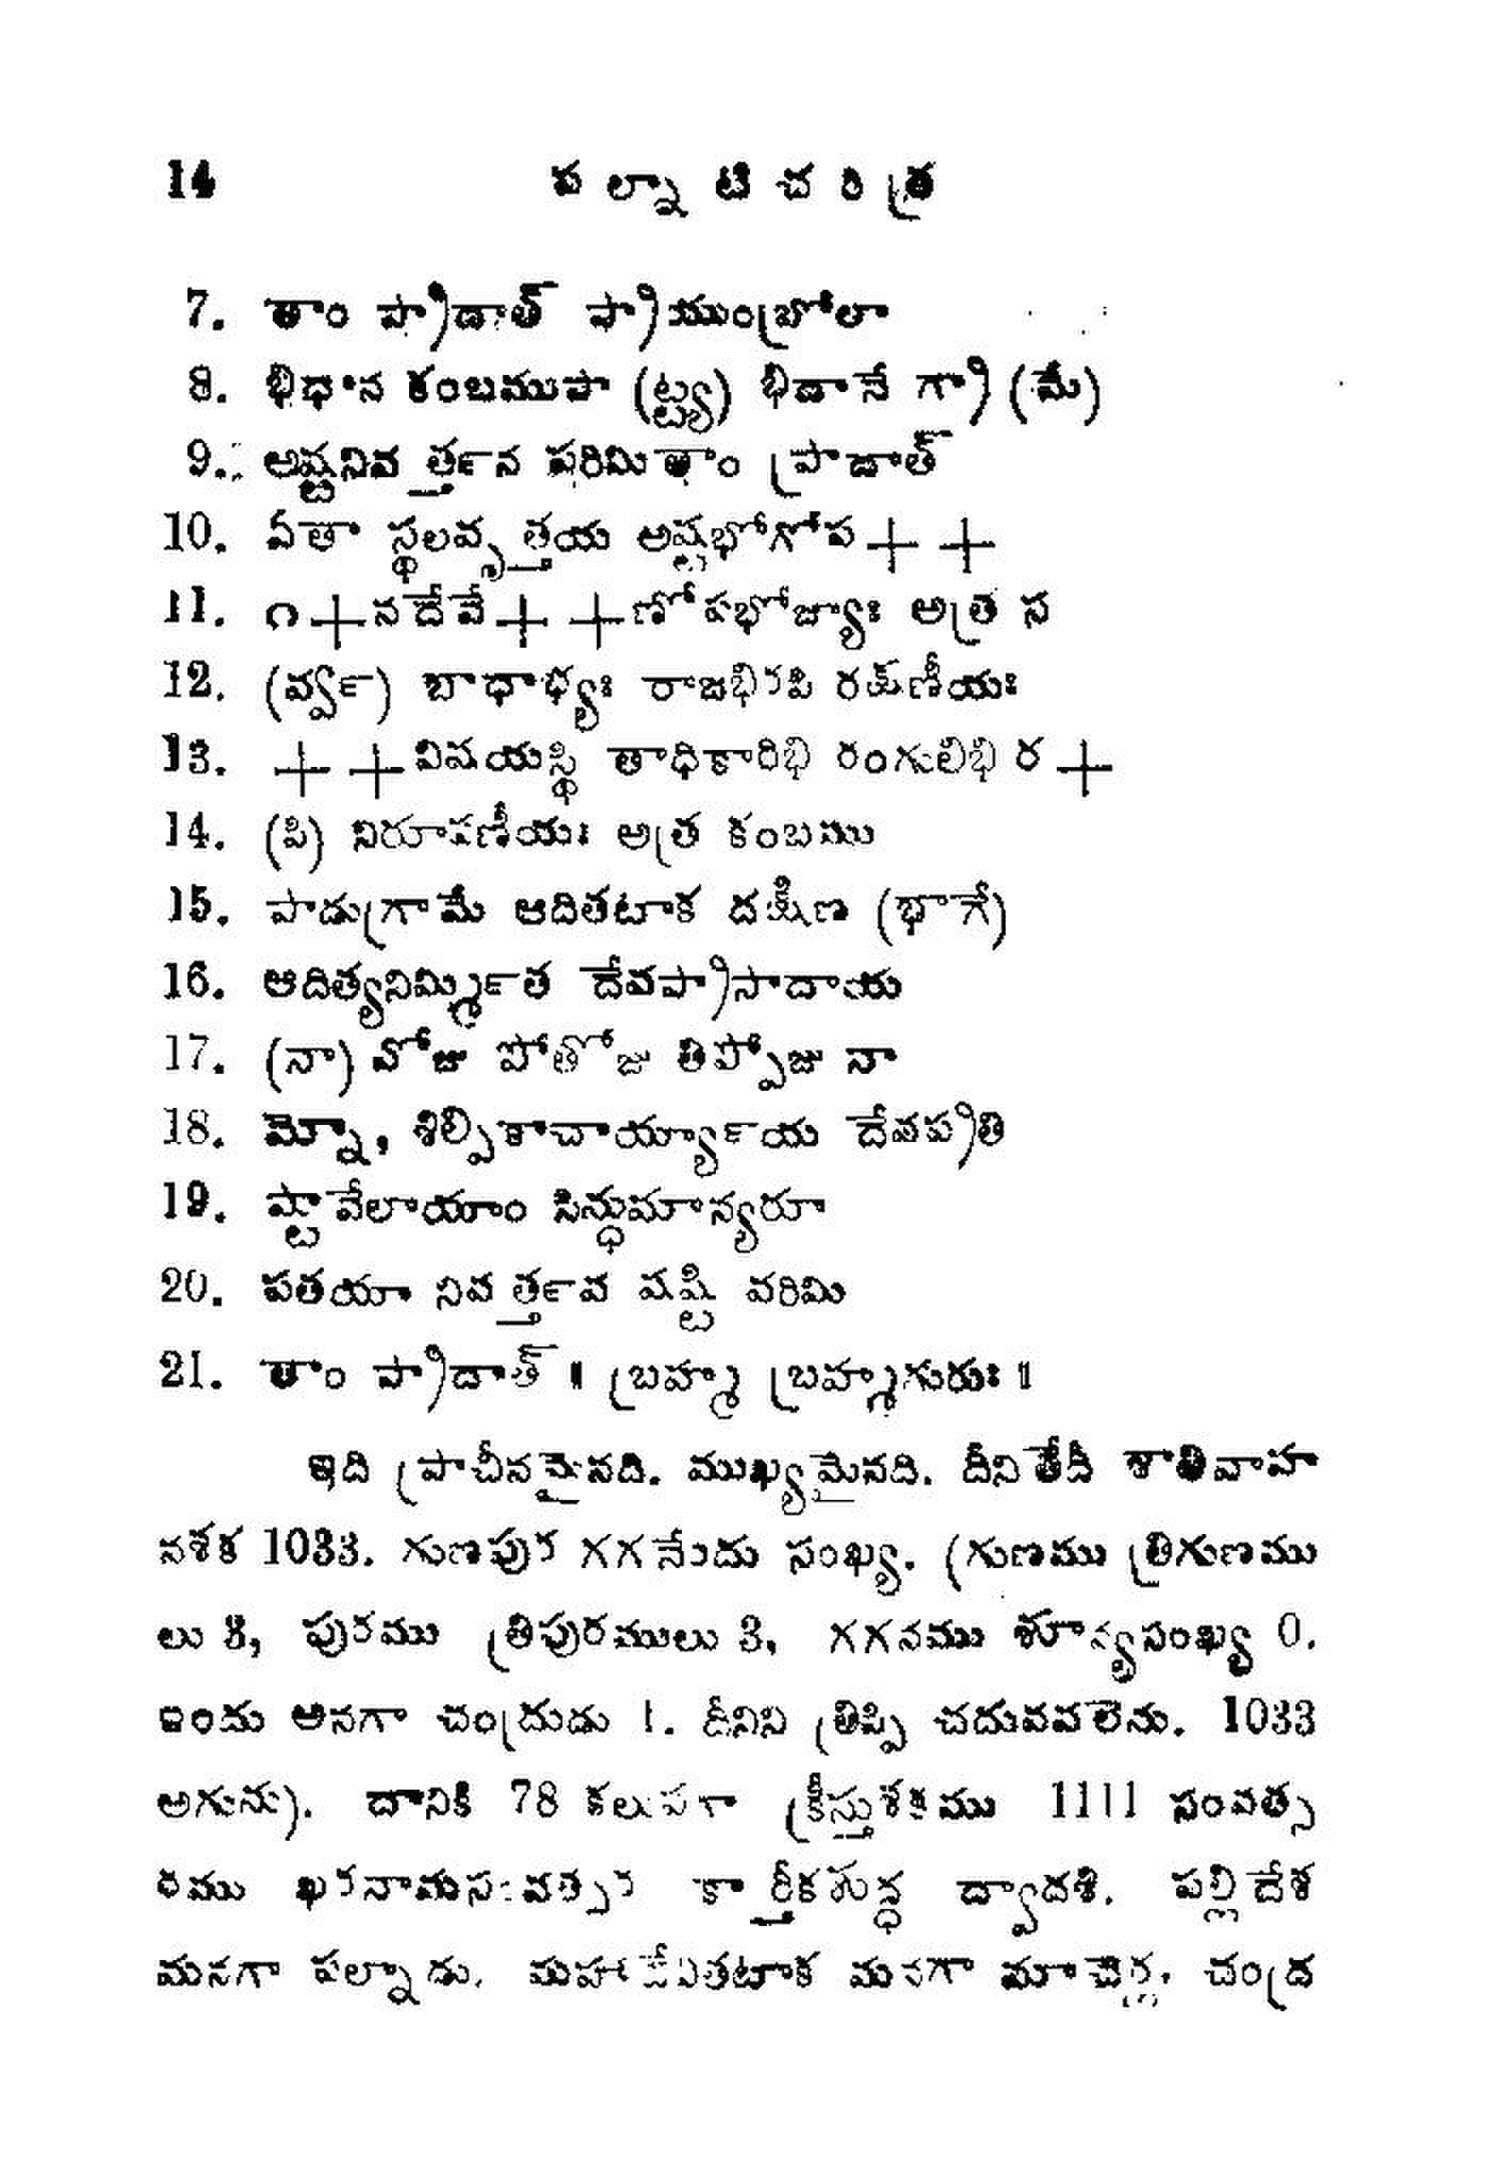7. తాం ప్రాదాత్ ప్రాయుంబ్రోలా 

8. భిధాన కంబముపా (ట్ట్య) భిడానే గ్రా (మే)

9. అష్టనివర్తన పరిమితాం ప్రాదాత్

10. ఏతా స్థలవృత్తయ అష్టభోగోప + +

11. ౧+నదేవే++ణోపభోజ్యాః అత్ర స

12. (ర్వన్ ) బాధాభ్యః రాజభిరపి రక్షణీయః

13. + + విషయస్థి తాధికారిభి రంగులిభి ర +

14. (పి) నిరూపణీయః అత్ర కంబము

15. పాడుగ్రామే ఆదితటాక దక్షిణ (భాగే)

16. ఆదిత్యనిర్మిత దేవప్రసాదాయ

17. (నా) వోజు పోతోజు తిప్పోజు నా

18. మ్నో, శిల్పికాచార్యాయ దేవప్రతి

19. ష్టావేలాయాం సిన్దుమాన్యరూ

20. పతయా నివత్త౯వ షష్టి పరిమి

21. తాం ప్రాదాత్ | బ్రహ్మ బ్రహ్మగురుః || 

ఇది ప్రాచీనమైనది. ముఖ్యమైనది. దీని తేదీ శాలివాహనశక 1033. 
గుణపుర గగనేందు సంఖ్య. (గుణము త్రిగుణములు 3, 
పురము త్రిపురములు 3, గగనము శూన్య సంఖ్య 0.
ఇందు అనగా చంద్రుడు 1. దీనిని త్రిప్పి చదువవలెను. 1033
అగును). దానికి 78 కలుపగా క్రీస్తుశకము 1111 సంవత్స
ధము ఖరనామసంవత్సర కార్తీక శుద్ధ ద్వాదశి, పల్లిదేశ
మనగా పల్నాడు. మహాదేవితటాక మనగా మాచెర్ల, చంద్ర